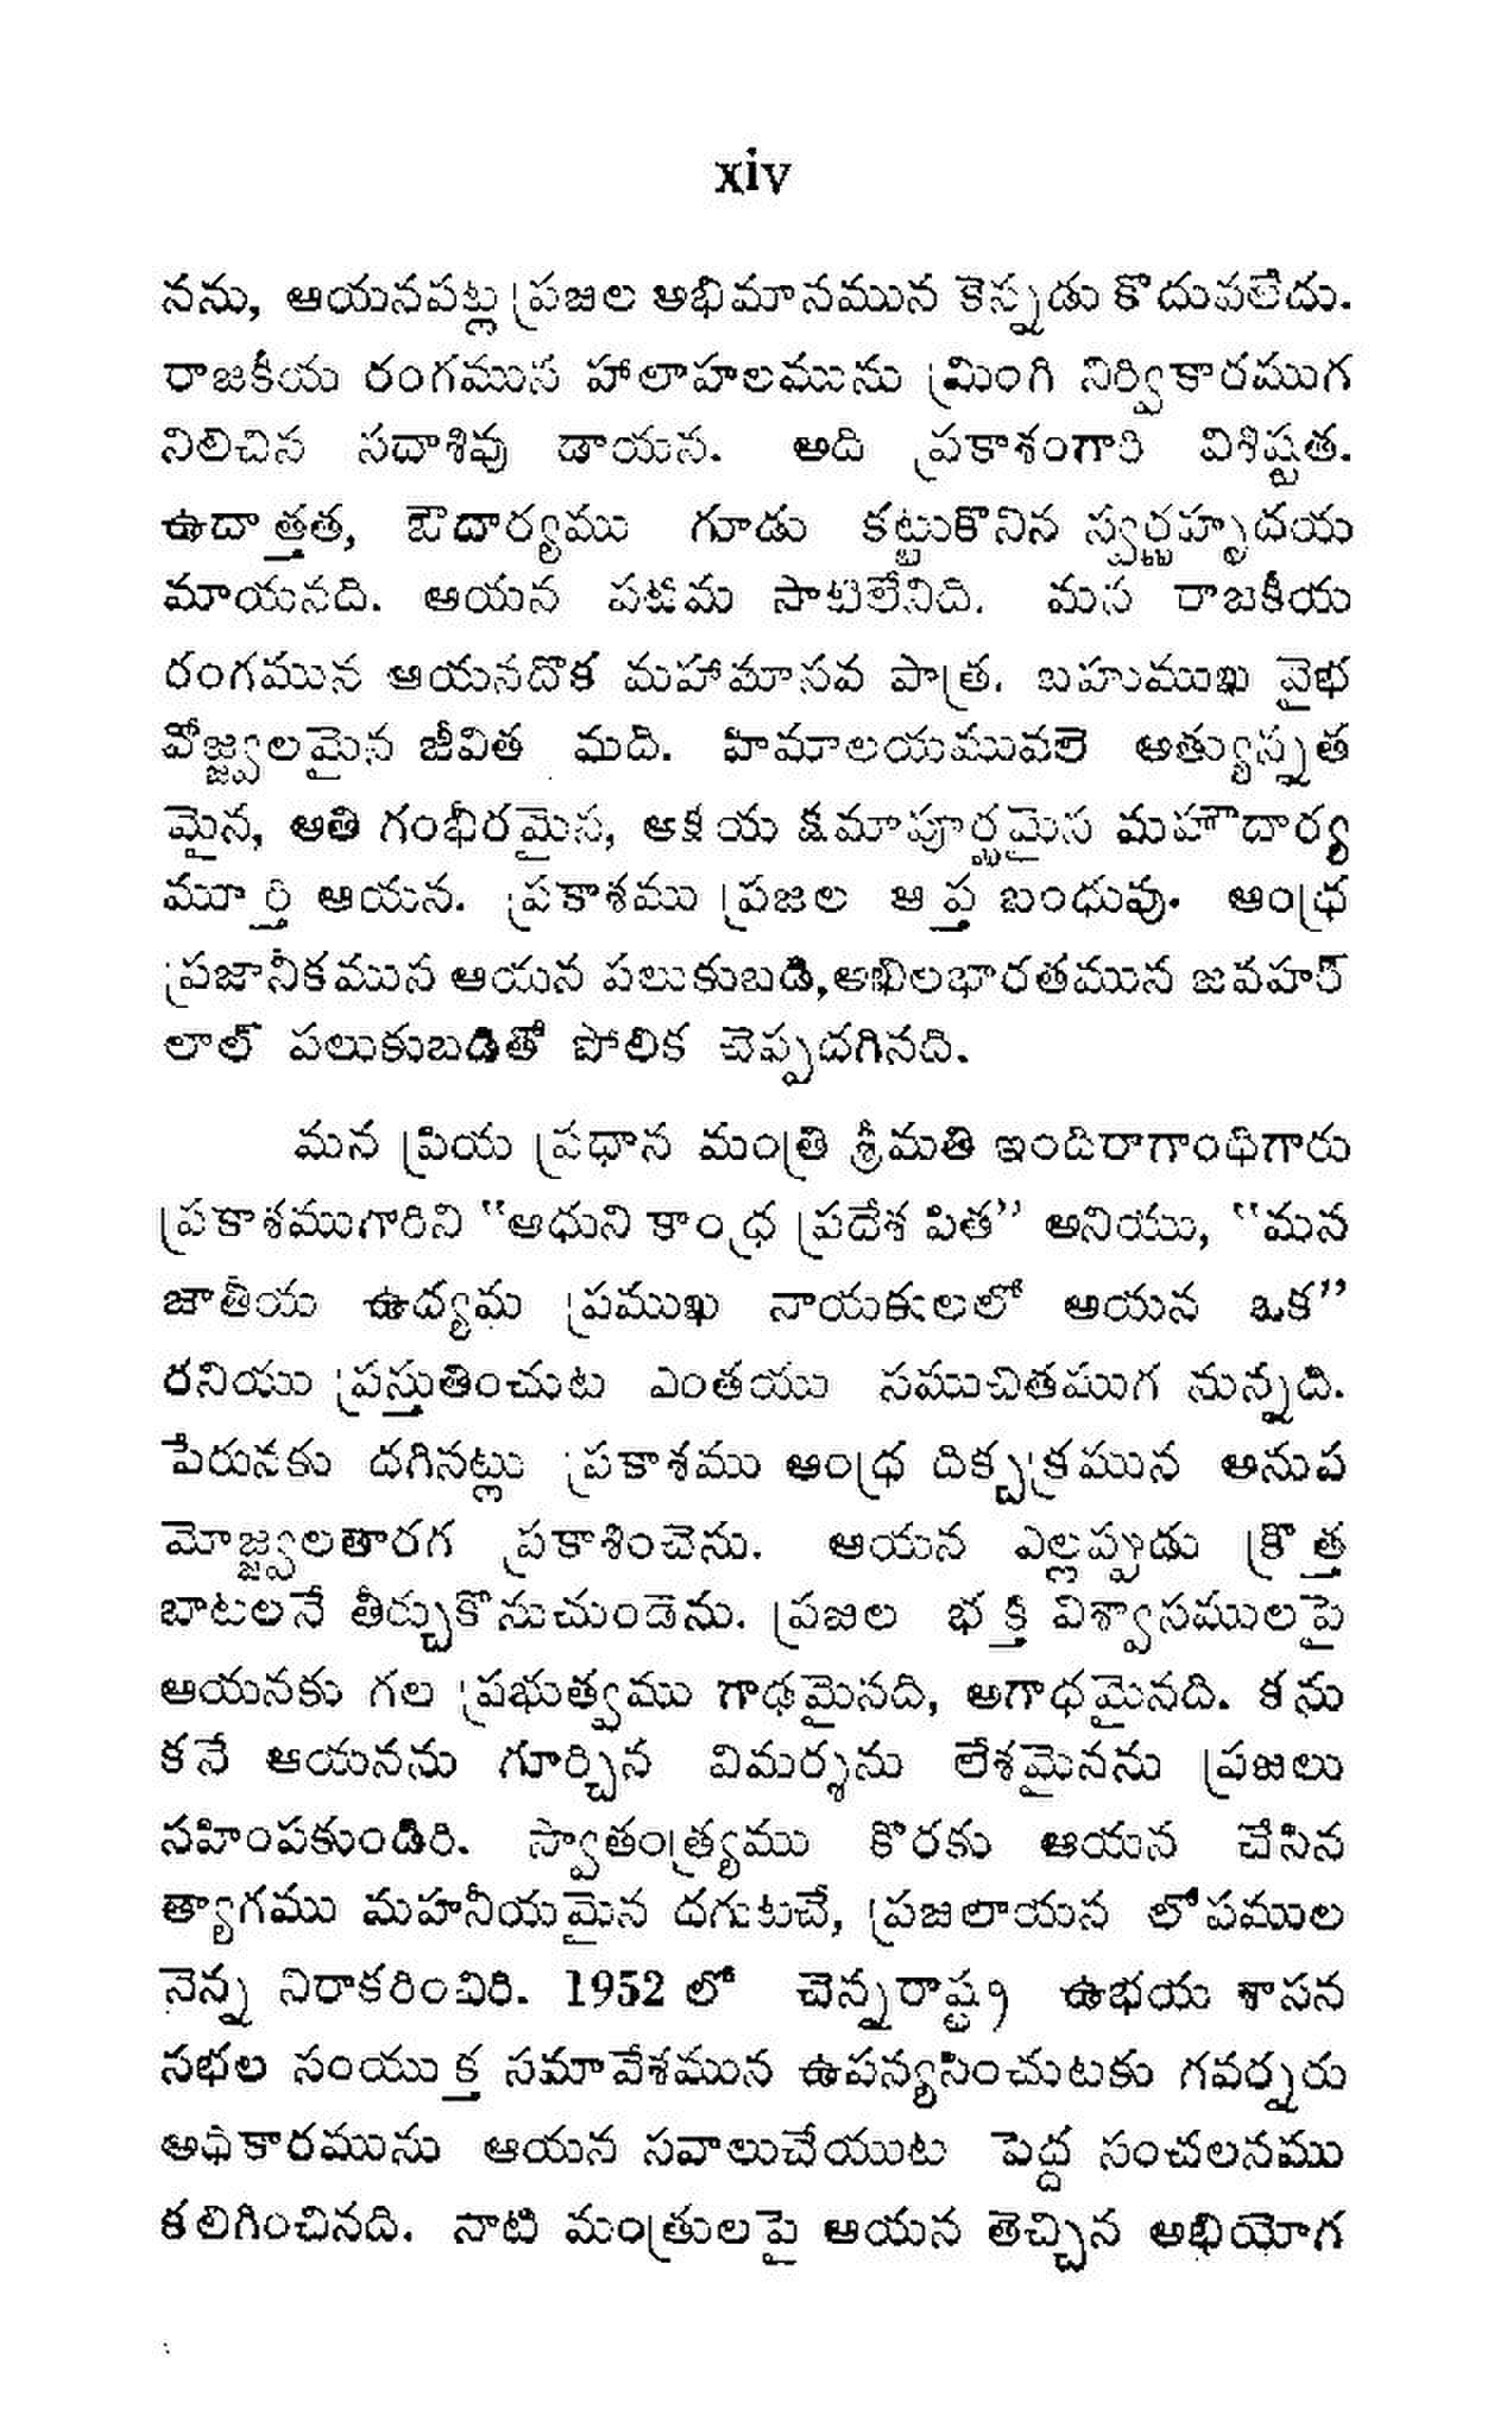నను, ఆయనపట్ల ప్రజల అభిమానమున కెన్నడు కొదువలేదు. రాజకీయ రంగమున హాలాహలమును మ్రింగి నిర్వికారముగ నిలిచిన సదాశివు డాయన. అది ప్రకాశంగారి విశిష్టత. ఉదాత్తత, ఔదార్యము గూడు కట్టుకొనిన స్వర్ణహృదయ మాయనది. ఆయన పటిమ సాటిలేనిది. మన రాజకీయ రంగమున ఆయనదొక మహామానవ పాత్ర. బహుముఖ వైభవోజ్జ్వలమైన జీవిత మది. హిమాలయమువలె అత్యున్నతమైన, అతి గంభీరమైన, అక్షయ క్షమాపూర్ణమైన మహౌదార్య మూర్తి అయన. ప్రకాశము ప్రజల ఆప్త బంధువు. ఆంధ్ర ప్రజానీకమున ఆయన పలుకుబడి, అఖిలభారతమున జవహర్‌లాల్ పలుకుబడితో పోలిక చెప్పదగినది.

మన ప్రియ ప్రధాన మంత్రి శ్రీమతి ఇందిరాగాంధిగారు ప్రకాశముగారిని "ఆధునికాంధ్ర ప్రదేశ పిత" అనియు, "మన జాతీయ ఉద్యమ ప్రముఖ నాయకులలో ఆయన ఒక" రనియు ప్రస్తుతించుట ఎంతయు సముచితముగ నున్నది. పేరునకు దగినట్లు ప్రకాశము ఆంధ్ర దిక్చక్రమున అనుపమోజ్జ్వల తారగ ప్రకాశించెను. ఆయన ఎల్లప్పుడు క్రొత్తబాటలనే తీర్చుకొనుచుండెను. ప్రజల భక్తి విశ్వాసములపై ఆయనకు గల ప్రభుత్వము గాఢమైనది, అగాధమైనది. కనుకనే ఆయనను గూర్చిన విమర్శను లేశమైనను ప్రజలు సహింపకుండిరి. స్వాతంత్ర్యము కొరకు ఆయన చేసిన త్యాగము మహనీయమైన దగుటచే, ప్రజలాయన లోపముల నెన్న నిరాకరించిరి. 1952 లో చెన్నరాష్ట్ర ఉభయ శాసన సభల సంయుక్త సమావేశమున ఉపన్యసించుటకు గవర్నరు అధికారమును ఆయన సవాలుచేయుట పెద్ద సంచలనము కలిగించినది. నాటి మంత్రులపై ఆయన తెచ్చిన అభియోగ